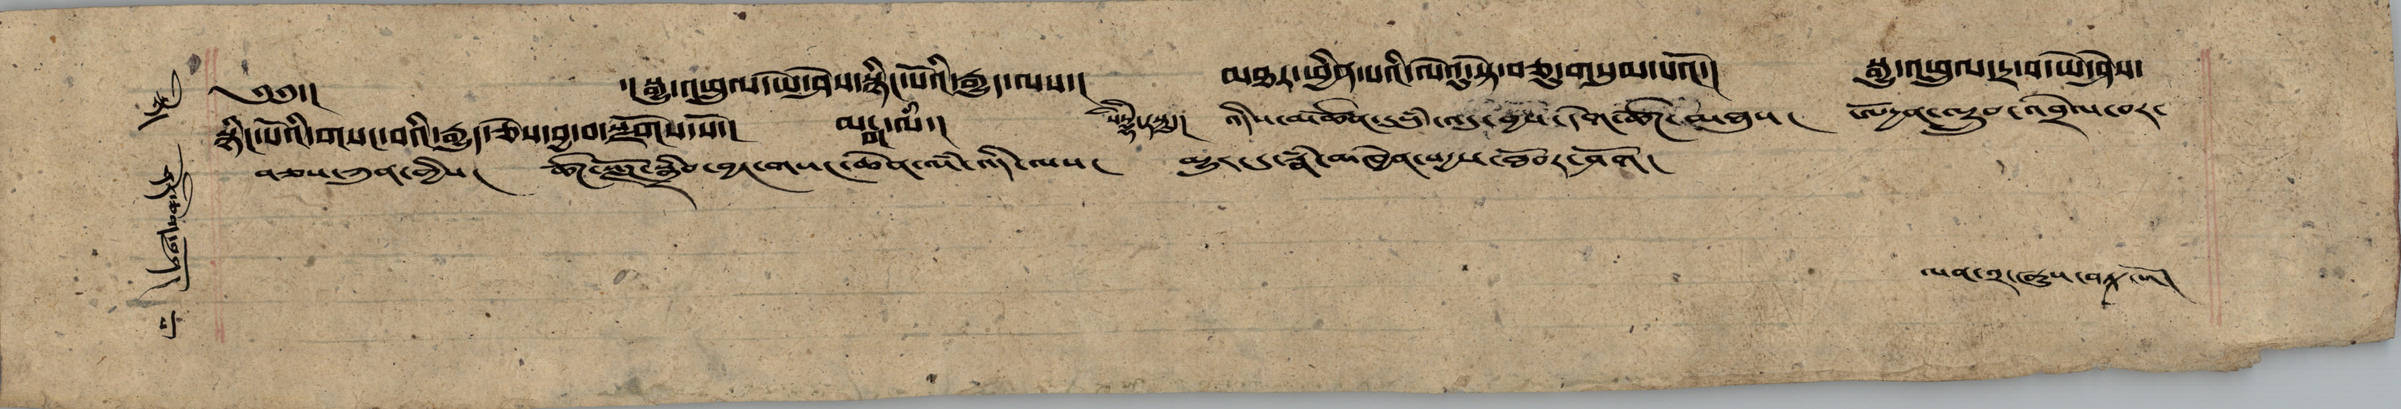༄༅་། ་།སྒྱུ་འཕྲུལ་ཡེ་ཤེས་སྙིང་པོའི་རྒྱུད་ལས་། མཐར་ཕྱིན་པའི་ལེའུ་སྟེ་བཅུ་གསུམ་པའོ་། སྒྱུ་འཕྲུལ་དྲ་བ་ཡེ་ཤེས་
སྙིང་པོའི་གསང་བའི་རྒྱུད་ཅེས་བྱ་བ་སྫོགས་སོ་། མངྒ་ལཾ་། སིདྡྷི་རསྟུ་། འདིས་མཚོན་དུསུཾ་འདུ་བྱས་དགེ་ཚོཌ་མཐུས་། ཨདྱོན་ལྷྲུབ་འབྲེལ་བར་
པ་ཀུན་གྱིས་། ཚོཌ་སྫོགས་སྒྲིབ་བྱང་གསང་ཆེན་ལཾ་འདི་ལས། མྱུར་དུ་རྣཾ་མཁྱེན་སདྱས་ཐོབར་ཤོག།
ལན་༢་ཞུས་བར་སོ།